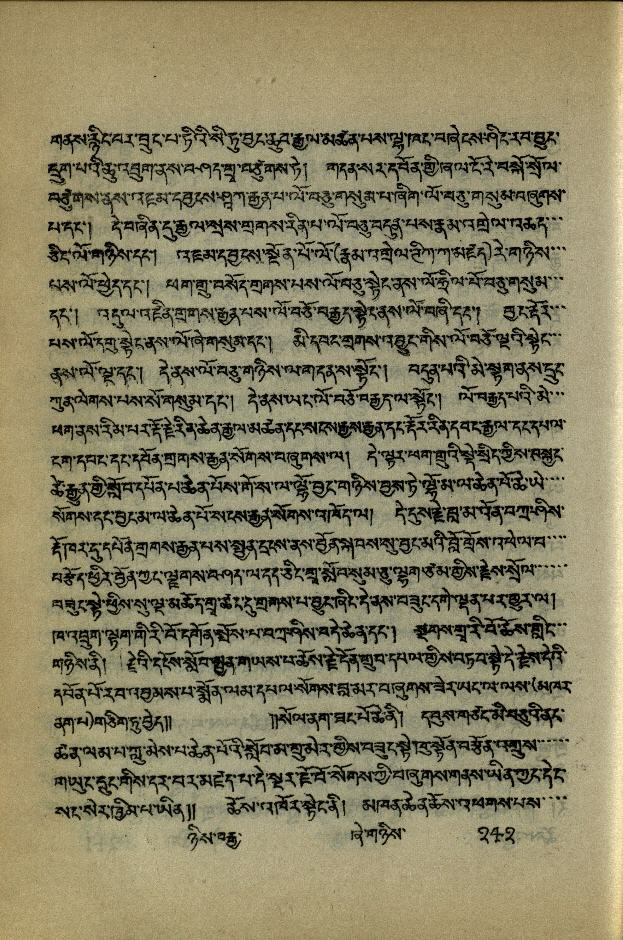གནས་རྙིང་བར་བྲུང་པ་ཏིའི་སི་ཏུ་བྱང་ཆུབ་རྒྱལ་མཚན་པས་ལྷ་ཁང་བཞེངས་ཤིང་རབ་བྱུང་
དྲུག་པའི་ཆུ་འབྲུག་ནས་བཤད་གྲྭ་བཙུགས་ཏེ། གདན་སར་དབོན་གྱི་ཞལ་ངོ་རེ་བསྐོ་སྲོལ་
བཙུགས་ནས་འཇམ་དབྱངས་ཤཱཀ་རྒྱན་པ་ལོ་བཅུ་གསུམ་པ་ཞིག་ལོ་བཅུ་གསུམ་བཞུགས་
པ་དང་། དེ་བཞིན་དུ་རྒྱལ་སྲས་གྲགས་རིན་པ་ལོ་བཅུ་བདུན་པས་རྣམ་འགྲེལ་འཆད་
ཅིང་ལོ་གཉིས་དང་། འཇམ་དབྱངས་སྔོན་པོ་ལོ་རྣམ་འགྲེལ་ཊིཀ་ཀ་མཛད་རེ་གཉིས་
པས་ལོ་ཕྱེད་དང་། ཕག་གྲུ་བསོད་གྲགས་པས་ལོ་བཅུ་སྟེང་ནས་ལོ་ཧྲིལ་པོ་བཅུ་གསུམ་
དང་། འདུལ་འཛིན་གྲགས་རྒྱན་པས་ལོ་བཅོ་བརྒྱད་སྟེང་ནས་ལོ་བཞི་དང་། བྱང་རྡོར་
པས་ལོ་དགུ་སྟེང་ནས་ལོ་ཞེ་གསུམ་དང་། མི་དབང་གྲགས་འབྱུང་གིས་ལོ་བཅོ་ལྔའི་སྟེང་
ནས་ལོ་ལྔ་དང་། དེ་ནས་ལོ་བཅུ་གཉིས་ལ་གདན་ས་སྟོང་། བདུན་པའི་མེ་སྟག་ནས་དྲུང་
ཀུན་ལེགས་པས་སོ་གསུམ་དང་། དེ་ནས་ཡང་ལོ་བཅོ་བརྒྱད་ལ་སྟོང་། ལོ་བརྒྱད་པའི་མེ་
ཕག་ནས་རིམ་པར་རྡོ་རྗེ་རིན་ཆེན་རྒྱལ་མཚན་དང་སངས་རྒྱས་རྒྱན་དང་རྡོར་རིན་དབང་རྒྱལ་དང་དཔལ་
ངག་དབང་དང་དཔོན་གྲགས་རྒྱན་སོགས་བཞུགས་ལ། དེ་ལྟར་ཕག་གྲུའི་སྡེ་སྲིད་ཀྱིས་བསྐྱང་
ཚེ་རྒྱུན་གྱི་སློབ་དཔོན་པ་ཆེན་པོས་གོ་ས་ལ་ལྷོ་བྱང་གཉིས་བྱས་ཏེ་ལྷོ་མ་ལ་ཆེན་པོ་ཆེ་ཡེ་
སོགས་དང་བྱང་མ་ལ་ཆེན་པོ་སངས་རྒྱན་སོགས་འཁོད་ལ། དེ་དུས་རྗེ་བླ་མ་འོན་བཀྲ་ཤིས་
རྡོ་ཁར་དུ་དཔོན་གྲགས་རྒྱན་པས་སྤྱན་དྲངས་ནས་བྱོན་སྐབས་སུ་བྱང་མའི་བློ་གྲོས་འཕེལ་བ་
བརྩོད་ཕྱིར་བྱོན་ཀྱང་ལྗགས་བཤད་ལ་དད་ཅིང་གྲྭ་སློབ་སུམ་ཅུ་ལྷག་ཙམ་གྱིས་རྗེས་སྲོལ་
བཟུང་སྟེ་ཕྱིས་སུ་ལྔ་མཆོད་གྲྭ་ཚང་དུ་གྲགས་པ་བྱུང་ཞིང་དེ་ནས་བཟུང་དགེ་ལྡན་པར་གྱུར་ལ།
ཁ་འབྲུག་ལྟག་གི་རི་བོ་དགོན་སྤོས་པ་བཀྲ་ཤིས་བདེ་ཆེན་དང་། སྔགས་གྲྭ་རི་བོ་ཆོས་གླིང་
གཉིས་ནི། རྗེའི་དངོས་སློབ་སྤྱན་གཡས་པ་ཆོས་རྗེ་དོན་གྲུབ་དཔལ་གྱིས་བཏབ་སྟེ་དེ་རྗེས་དེའི་
དབོན་པོ་རབ་འབྱམས་པ་སྨོན་ལམ་དཔལ་སོགས་བླ་མར་བཞུགས་ཟེར་ཡང་ལ་ལས་མཁར་
ནག་པ་གཅིག་ཏུ་བྱེད།། །།སོལ་ནག་ཐང་པོ་ཆེ་ནི། དབུས་གཙང་མི་བཅུའི་ནང་
ཚན་ལམ་པ་ཀླུ་མེད་པ་ཆེན་པོའི་སློབ་མ་ཀྲུ་མེར་གྱིས་བཟུང་སྟེ་ཁུ་སྟོན་བརྩོན་འགྲུས་
གཡུང་དྲུང་གིས་དར་བར་མཛད་པ་དེ་སྔར་ཇོ་བོ་སོགས་ཀྱི་བཞུགས་གནས་ཡིན་ཀྱང་དེང་
སང་སེར་ཁྱིམ་པ་ཡིན། །ཆོས་འཁོར་སྟེང་ནི། མཁན་ཆེན་ཆོས་འཕགས་པས་